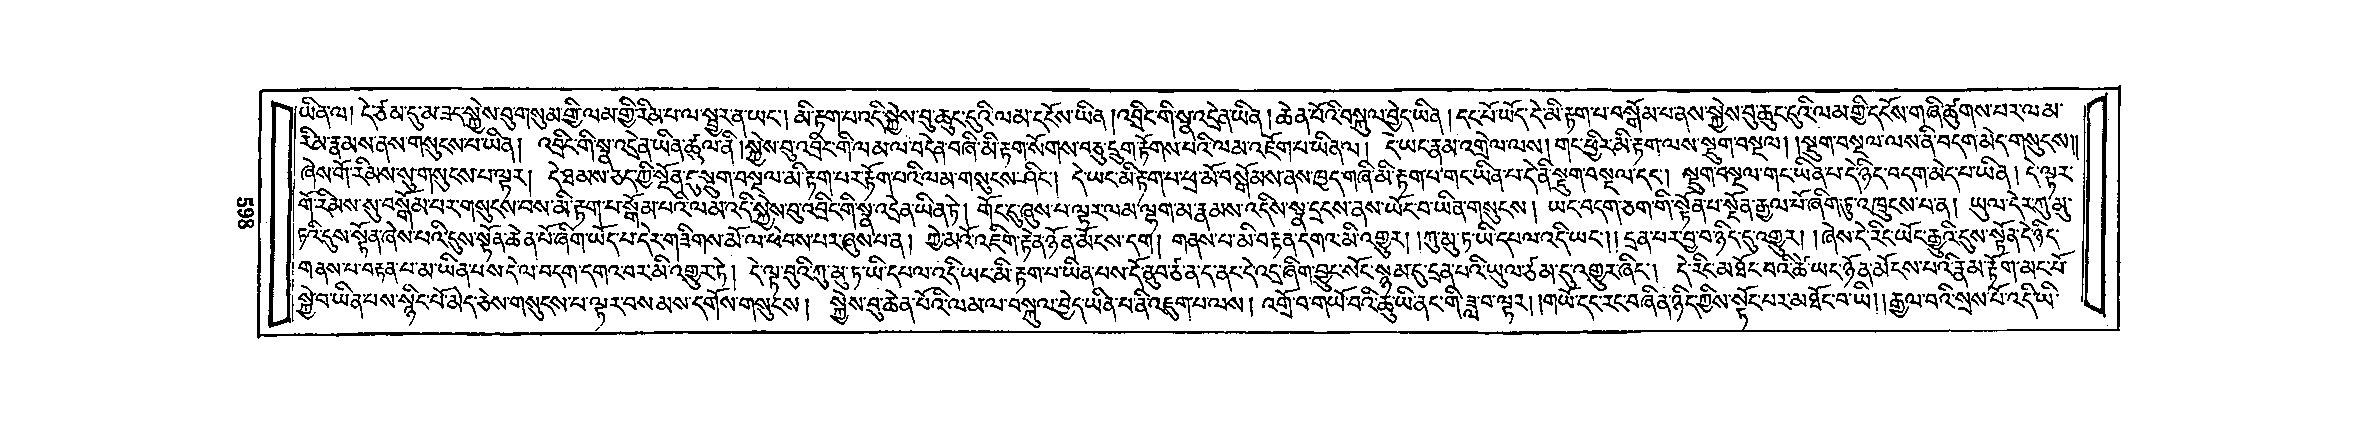ཡིན་ལ། དེ་ཙམ་དུ་མ་ཟད་སྐྱེས་བུ་གསུམ་གྱི་ལམ་གྱི་རིམ་པ་ལ་སྦྱར་ན་ཡང་། མི་རྟག་པ་འདི་སྐྱེས་བུ་ཆུང་ངུའི་ལམ་དངོས་ཡིན། འབྲིང་གི་སྣ་འདྲེན་ཡིན། ཆེན་པོའི་བསྐུལ་བྱེད་ཡིན། དང་པོ་ཡོད་དེ་མི་རྟག་པ་བསྒོམ་པ་ནས་སྐྱེས་བུ་ཆུང་ངུའི་ལམ་གྱི་དངོས་གཞི་ཚུགས་པར་ལམ་
རིམ་རྣམས་ནས་གསུངས་པ་ཡིན། འབྲིང་གི་སྣ་འདྲེན་ཡིན་ཚུལ་ནི། སྐྱེས་བུ་འབྲིང་གི་ལམ་ལ་བདེན་བཞི་མི་རྟག་སོགས་བཅུ་དྲུག་རྟོགས་པའི་ལམ་འཇོག་པ་ཡིན་ལ། དེ་ཡང་རྣམ་འགྲེལ་ལས། གང་ཕྱིར་མི་རྟག་ལས་སྡུག་བསྔལ། །སྡུག་བསྔལ་ལས་ནི་བདག་མེད་གསུངས། །
ཞེས་གོ་རིམས་སུ་གསུངས་པ་ལྟར། དེ་ཐམས་ཅད་ཀྱི་སྔོན་དུ་སྡུག་བསྔལ་མི་རྟག་པར་རྟོག་པའི་ལམ་གསུངས་ཤིང་། དེ་ཡང་མི་རྟག་པ་ཕྲ་མོ་བསྒོམས་ནས་ཁྱད་གཞི་མི་རྟག་པ་གང་ཡིན་པ་དེ་ནི་སྡུག་བསྔལ་དང་། སྡུག་བསྔལ་གང་ཡིན་པ་དེ་ཉིད་བདག་མེད་པ་ཡིན། དེ་ལྟར་
གོ་རིམས་སུ་བསྒོམ་པར་གསུངས་བས་མི་རྟག་པ་སྒོམ་པའི་ལམ་འདི་སྐྱེས་བུ་འབྲིང་གི་སྣ་འདྲེན་ཡིན་ཏེ། གོང་དུ་ཞུས་པ་ལྟར་ལམ་ལྷག་མ་རྣམས་འདིས་སྣ་དྲངས་ནས་ཡོང་བ་ཡིན་གསུངས། ཡང་བདག་ཅག་གི་སྟོན་པ་སྔོན་རྒྱལ་པོ་ཞིག་ཏུ་འཁྲུངས་པ་ན། ཡུལ་དེར་ཀུ་མུ་
ཏའི་དུས་སྟོན་ཞེས་པའི་དུས་སྟོན་ཆེན་པོ་ཞིག་ཡོད་པ་དེར་གཟིགས་མོ་ལ་ཕེབས་པར་ཞུས་པ་ན། ཀྱེ་མའོ་འཇིག་རྟེན་ཉོན་མོངས་དག །གནས་པ་མི་བརྟན་དགའ་མི་འགྱུར། །ཀུ་མུ་ཏ་ཡི་དཔལ་འདི་ཡང་། །དྲན་པར་བྱ་བ་ཉིད་དུ་འགྱུར། །ཞེས་དེ་རིང་ཡོང་རྒྱུའི་དུས་སྟོན་དེ་ཉིད་
གནས་པ་བརྟན་པ་མ་ཡིན་པས་དེ་ལ་བདག་དགའ་བར་མི་འགྱུར་ཏེ། དེ་ལྟ་བུའི་ཀུ་མུ་ཏ་ཡི་དཔལ་འདི་ཡང་མི་རྟག་པ་ཡིན་པས་དོ་ནུབ་ཙ་ན་ད་ནང་དེ་འདྲ་ཞིག་བྱུང་སོང་སྙམ་དུ་དྲན་པའི་ཡུལ་ཙམ་དུ་འགྱུར་ཞིང་། དེ་རིང་མཐོང་བའི་ཚེ་ཡང་ཉོན་མོངས་པའི་རྣམ་རྟོག་མང་པོ་
སྐྱེ་བ་ཡིན་པས་སྙིང་པོ་མེད་ཅེས་གསུངས་པ་ལྟར་བསམས་དགོས་གསུངས། སྐྱེས་བུ་ཆེན་པོའི་ལམ་ལ་བསྐུལ་བྱེད་ཡིན་པ་ནི་འཇུག་པ་ལས། འགྲོ་བ་གཡོ་བའི་ཆུ་ཡི་ནང་གི་ཟླ་བ་ལྟར། །གཡོ་དང་རང་བཞིན་ཉིད་ཀྱིས་སྟོང་པར་མཐོང་བ་ཡི། །རྒྱལ་བའི་སྲས་པོ་འདི་ཡི་